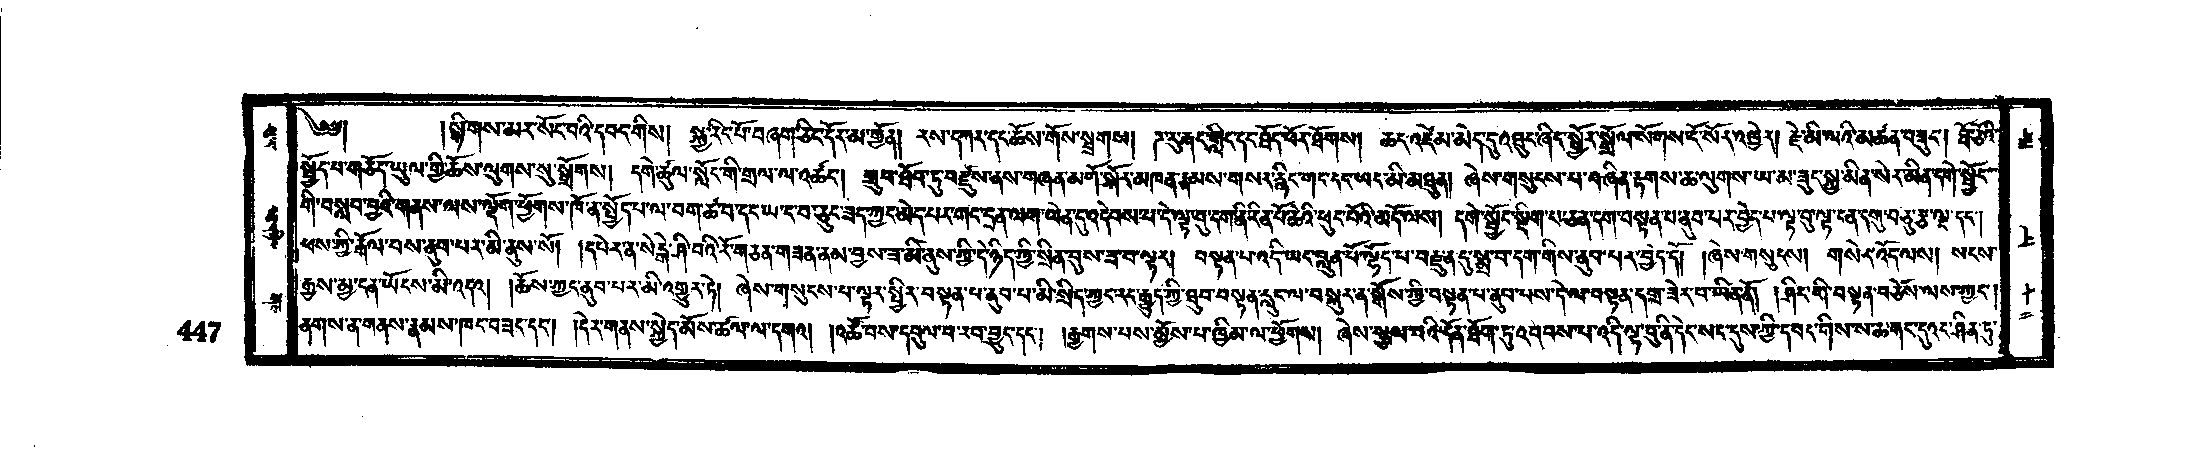༄༅། །སྙིགས་མར་སོང་བའི་དབང་གིས། སྐྱ་རིང་པོ་བཞག་ཅིང་དོར་མ་གྱོན། རས་དཀར་དང་ཆོས་གོས་སྦྲགས། ཌ་རུ་རྐང་གླིང་དང་ཐོད་ཕོར་ཐོགས། ཆད་འཛེམ་མེད་དུ་འཐུང་ཞིང་སྦྱོར་སྒྲོལ་སོགས་ངོ་སོར་འཁྱེར། རྗེ་མི་ལའི་མཚན་བཟུང་། ཐོ་ཅོའི་
སྤྱོད་པ་གཅོད་ཡུལ་གྱི་ཆོས་ལུགས་སུ་སྒྲོགས། དགེ་ཚུལ་སློང་གི་གྲལ་ལ་འཚང་། གྲུབ་ཐོབ་ཏུ་བརྫུས་ནས་གཞན་མགོ་སྐོར་མཁན་རྣམས་གསར་རྙིང་གང་དང་ཡང་མི་མཐུན། ཞེས་གསུངས་པ་བཞིན་རྟགས་ཆ་ལུགས་ཡ་མ་ཟུང་སྐྱ་མིན་སེར་མིན་དགེ་སྦྱོང་
གི་བསླབ་བྱའི་གནས་ལས་ལྡོག་ཕྱོགས་ཁོ་ན་སྤྱོད་པ་ལ་བག་ཚ་བ་དང་ཡ་ང་བ་ཅུང་ཟད་ཀྱང་མེད་པར་གང་དྲན་ལག་ལེན་དུ་འདེབས་པ་དེ་ལྟ་བུ་དག་ནི་རིན་པོ་ཆེའི་ཕུང་པོའི་མདོ་ལས། དགེ་སྦྱོང་སྡིག་པ་ཅན་དག་བསྟན་པ་ནུབ་པར་བྱེད་པ་ལྟ་བུ་ལྟ་ངན་དགུ་བཅུ་རྩ་ལྔ་དང་།
ཕས་ཀྱི་རྒོལ་བས་ནུབ་པར་མི་ནུས་སོ། །དཔེར་ན་སེངྒེ་ཤི་བའི་རོ་གཅན་གཟན་ནམ་བྱས་ཟ་མི་ནུས་ཀྱི་དེ་ཉིད་ཀྱི་སྲིན་བུས་ཟ་བ་ལྟར། བསྟན་པ་འདི་ཡང་བླུན་པོ་ལྷོད་པ་བརྫུན་དུ་སྨྲ་བ་དག་གིས་ནུབ་པར་བྱེད་དོ། །ཞེས་གསུངས། གསེར་འོད་ལས། སངས་
རྒྱས་མྱ་ངན་ཡོངས་མི་འདའ། །ཆོས་ཀྱང་ནུབ་པར་མི་འགྱུར་ཏེ། ཞེས་གསུངས་པ་ལྟར་སྤྱིར་བསྟན་པ་ནུབ་པ་མི་སྲིད་ཀྱང་རང་རྒྱུད་ཀྱི་ཐུབ་བསྟན་རླུང་ལ་བསྐུར་ན་སྒོས་ཀྱི་བསྟན་པ་ནུབ་པས་དེ་ལ་བསྟན་དགྲ་ཟེར་བ་ཡིན་ནོ། །ཤིང་གི་བསྟན་བཅོས་ལས་ཀྱང་།
ནགས་ན་གནས་རྣམས་ཁང་བཟང་དང་། །དེར་གནས་སྐྱེད་མོས་ཚལ་ལ་དགའ། །འཚོ་བས་དབུལ་བ་རབ་བྱུང་དང་། །རྒྱགས་པས་མྱོས་པ་ཁྱིམ་ལ་ཕྱོགས། ཞེས་སྩལ་བའི་དོན་ཐོག་ཏུ་འབབས་པ་འདི་ལྟ་བུ་ནི་དེང་སང་དུས་ཀྱི་དབང་གིས་ས་ཆ་གང་དུའང་ཤིན་ཏུ་